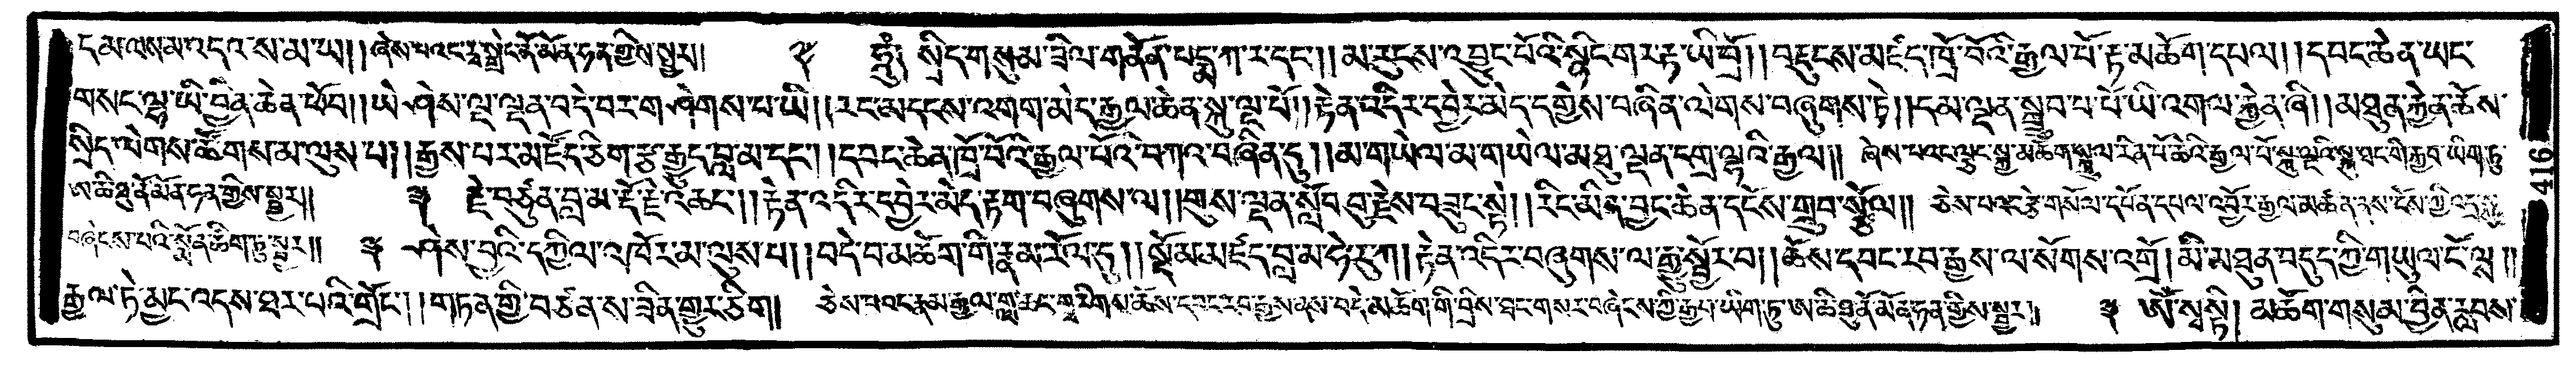དམ་ལས་མ་འདའ་ས་མ་ཡ། །ཞེས་པའང་རྭ་སྒྲེང་ནོ་མོན་ཧན་གྱིས་སྦྱར།། ༈ ཧཱུཾ། སྲིད་གསུམ་ཟིལ་གནོན་པདམ་ཀ་ར་དང་། །མ་རུངས་འབྱུང་པོའི་སྙིང་གར་རྟ་ཡི་བྲོ། །བརྡུངས་མཛད་ཁྲོ་བོའི་རྒྱལ་པོ་རྟ་མཆོག་དཔལ། །དབང་ཆེན་ཡང་
གསང་ལྷ་ཡི་བྱིན་ཆེན་ཕོབ། །ཡེ་ཤེས་ལྔ་ལྡན་བདེ་བར་གཤེགས་པ་ཡི། །རང་མདངས་འགག་མེད་རྒྱལ་ཆེན་སྐུ་ལྔ་པོ། །རྟེན་འདིར་དབྱེར་མེད་དགྱེས་བཞིན་ལེགས་བཞུགས་ཏེ། །དམ་ལྡན་སྒྲུབ་པ་པོ་ཡི་འགལ་རྐྱེན་ཞི། །མཐུན་རྐྱེན་ཆོས་
སྲིད་ལེགས་ཚོགས་མ་ལུས་པ། །རྒྱས་པར་མཛོད་ཅིག་རྩ་རྒྱུད་བླ་མ་དང་། །དབང་ཆེན་ཁྲོ་བོའི་རྒྱལ་པོའི་བཀའ་བཞིན་དུ། །མ་གཡེལ་མ་གཡེལ་མཐུ་ལྡན་དགྲ་ལྷའི་རྒྱལ། །ཞེས་པའང་ལྕང་སྐྱ་མཆོག་སྤྲུལ་རིན་པོ་ཆེའི་རྒྱལ་པོ་སྐུ་ལྔའི་སྐུ་ཐང་གི་རྒྱབ་ཡིག་ཏུ་
ཨ་ཆི་ཐུ་ནོ་མོན་ཧན་གྱིས་སྦྱར།། ༈ རྗེ་བཙུན་བླ་མ་རྡོ་རྗེ་འཆང་། །རྟེན་འདིར་དབྱེར་མེད་རྟག་བཞུགས་ལ། །གུས་ལྡན་སློབ་བུ་རྗེས་བཟུང་སྟེ། །རིང་མིན་བྱང་ཆེན་དངོས་གྲུབ་སྩོལ། །ཅེས་པའང་རྩེ་གསོལ་དཔོན་དཔལ་འབྱོར་རྒྱལ་མཚན་ནས་ངོས་ཀྱི་འདྲ་སྐུ་
བཞེངས་པའི་སྨོན་ཚིག་ཏུ་སྦྱར། །༈ ཤེས་བྱའི་དཀྱིལ་འཁོར་མ་ལུས་པ། །དབེ་བ་མཆོག་གི་རྣམ་རོལ་དུ། །སྡོམ་མཛད་བླ་མ་ཧེ་རུ་ཀ། རྟེན་འདིར་བཞུགས་ལ་རྒྱུ་སྦྱོར་བ། །ཆོས་དབང་རབ་རྒྱས་ལ་སོགས་འགྲོ་།མི་མཐུན་བདུད་ཀྱི་གཡུལ་ངོ་ལས། །
རྒྱལ་ཏེ་མྱང་འདས་ཐར་པའི་གྲོང་། །གཏན་གྱི་བཙན་ས་ཟིན་གྱུར་ཅིག །ཅེས་པའང་རྣམ་རྒྱལ་གྲྭ་ཚང་གྲྭ་རིགས་ཆོས་དབང་རབ་རྒྱས་ནས་བདེ་མཆོག་གི་བྲིས་ཐང་གསར་བཞེངས་ཀྱི་རྒྱབ་ཡིག་ཏུ་ཨ་ཆི་ཐུ་ནོ་མོན་ཧན་གྱིས་སྦྱར།། ༈ ཨོཾ་སྭ་སྟི། མཆོག་གསུམ་བྱིན་རླབས་